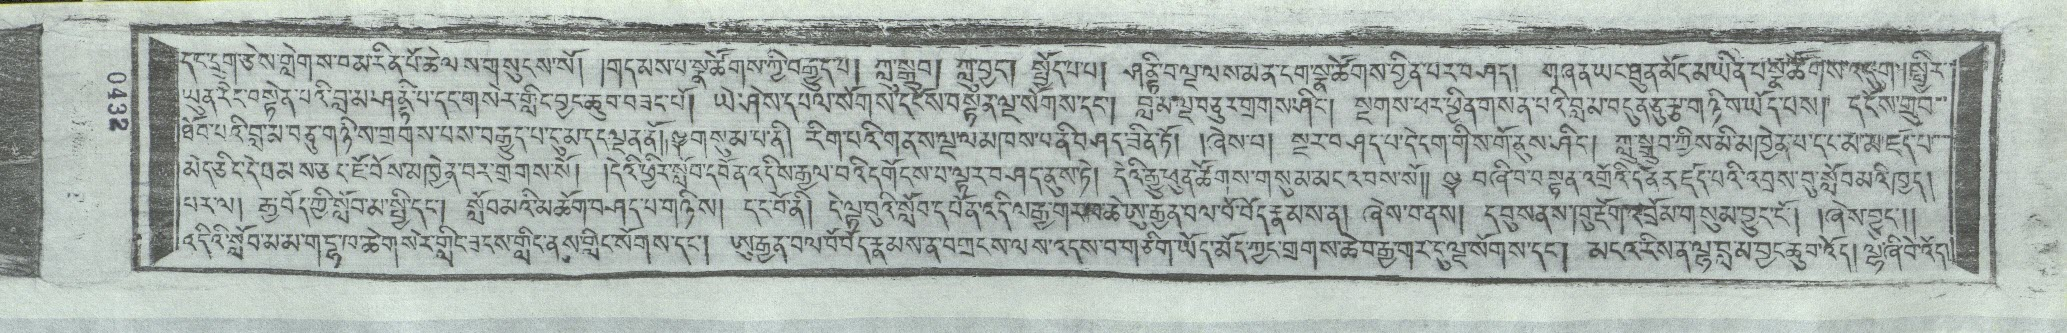དང་དྲུག་ཅེས་གླེགས་བམ་རིན་པོ་ཆེ་ལས་གསུངས་སོ། །གདམས་པ་སྣ་ཚོགས་ཀྱི་བརྒྱུད་པ། ཀླུ་སྒྲུབ། ཀླུ་བྱང་། སྤྱོད་པ་པ། ཤནྟི་བ་ལྔ་ལས་མན་ངག་སྣ་ཚོགས་བྱིན་པར་བཤད། གཞན་ཡང་ཐུན་མོང་མ་ཡིན་པ་སྣ་ཚོགས་འདུག །སྤྱིར་
ཡུན་རིང་བསྟེན་པའི་བླ་མ་ཤནྟི་པ་དང་གསེར་གླིང་བྱང་ཆུབ་བཟང་པོ། ཡེ་ཤེས་དཔལ་སོགས་དངོས་བསྟན་ལྔ་སོགས་དང་། བླ་མ་ལྔ་བཅུར་གྲགས་ཤིང་། སྔགས་ཕར་ཕྱིན་གསན་པའི་བླ་མ་བདུན་ཅུ་རྩ་གཉིས་ཡོད་པས། དངོས་གྲུབ་
ཐོབ་པའི་བླ་མ་བཅུ་གཉིས་གྲགས་པས་བརྒྱུད་པ་དུ་མ་དང་ལྡན་ནོ།། ༈ གསུམ་པ་ནི། རིག་པའི་གནས་ལྔ་ལ་མཁས་པ་ནི་བཤད་ཟིན་ཏོ། །ཞེས་པ། སྔར་བཤད་པ་དེ་དག་གིས་གོ་ནུས་ཤིང་། ཀླུ་སྒྲུབ་ཀྱིས་མི་མཁྱེན་པ་དང་མ་མཛད་པ་
མེད་ཅིང་དེ་ཐམས་ཅད་ཇོ་བོས་མཁྱེན་བར་གྲགས་སོ། །དེའི་ཕྱིར་སློབ་དབོན་འདིས་རྒྱལ་བའི་དགོངས་པ་ལྟར་བཤད་ནུ་ས་ཏེ། དེའི་རྒྱུ་ཕུན་ཚོགས་གསུམ་མངའ་བས་སོ།། ༈ བཞི་བ་བསྟན་འགྲོའི་དོན་མཛད་པའི་འབྲས་བུ་སློབ་མའི་ཁྱད།
པར་ལ། རྒྱ་བོད་ཀྱི་སློབ་མ་སྤྱི་དང་། སློབ་མའི་མཆོག་བཤད་པ་གཉིས། དང་བོ་ནི། དེ་ལྟ་བུའི་སློབ་དཔོན་འདི་ལ་རྒྱ་གར་ཁ་ཆེ་ཨུ་རྒྱན་བལ་བོ་བོད་རྣམས་ན། ཞེས་བ་ནས། དབུས་ནས་ཁུ་རྡོག་འབྲོམ་གསུམ་བྱུང་ངོ། །ཞེས་བྱུང།།
འདིའི་སློབ་མ་མ་གདྷ་ཁ་ཆེག་སོར་གླིང་ཟངས་གྭིང་ནས་གླིང་སོགས་དང་། ཨུ་རྒྱན་བལ་བོ་བོད་རྣམས་ན་བགྲངས་ལས་འདས་བ་གཅིག་ཡོད་མོད་ཀྱང་གྲགས་ཆེ་བ་རྒྱ་གར་དུ་ལྔ་སོགས་དང་། མངའ་རིས་ན་ལྷ་བླ་མ་བྱང་ཆུབ་འོད། ལྷ་ཞི་བེ་འོད་